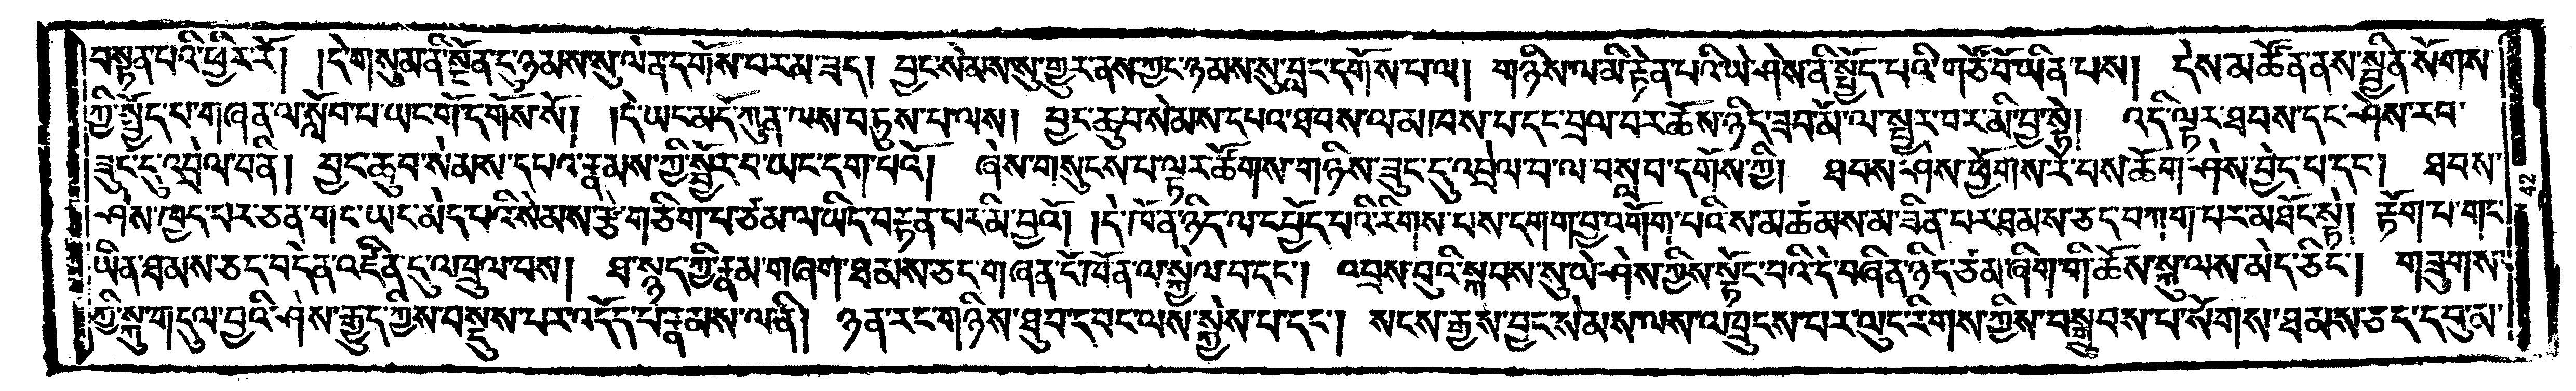བསྟན་པའི་ཕྱིར་རོ། །དེ་གསུམ་ནི་སྔོན་དུ་ཉམས་སུ་ལེན་དགོས་པར་མ་ཟད། བྱང་སེམས་སུ་གྱུར་ནས་ཀྱང་ཉམས་སུ་བླང་དགོས་པ་ལ། གཉིས་ལ་མི་རྟེན་པའི་ཡེ་ཤེས་ནི་སྤྱོད་པའི་གཙོ་བོ་ཡིན་པས། དེས་མཚོན་ནས་སྦྱིན་སོགས་
ཀྱི་སྤྱོད་པ་གཞན་ལ་སློབ་པ་ཡང་གོ་དགོས་སོ། །དེ་ཡང་མདོ་ཀུན་ལས་བཏུས་པ་ལས། བྱང་ཆུབ་སེམས་དཔའ་ཐབས་ལ་མཁས་པ་དང་བྲལ་བར་ཆོས་ཉིད་ཟབ་མོ་ལ་སྦྱར་བར་མི་བྱ་སྟེ། འདི་ལྟར་ཐབས་དང་ཤེས་རབ་
ཟུང་དུ་འབྲེལ་བ་ནི། བྱང་ཆུབ་སེམས་དཔའ་རྣམས་ཀྱི་སྦྱོར་བ་ཡང་དག་པའོ། ཞེས་གསུངས་པ་ལྟར་ཚོགས་གཉིས་ཟུང་དུ་འབྲེལ་བ་ལ་བསླབ་དགོས་ཀྱི། ཐབས་ཤེས་ཕྱོགས་རེ་བས་ཆོག་ཤེས་བྱེད་པ་དང་། ཐབས་
ཤེས་ཁྱད་པར་ཅན་གང་ཡང་མེད་པའི་སེམས་རྩེ་གཅིག་པ་ཙམ་ལ་ཡིད་བརྟན་པར་མི་བྱའོ། །དེ་ཁོ་ན་ཉིད་ལ་དཔྱོད་པའི་རིགས་པས་དགག་བྱ་འགོག་པའི་ས་མཚམས་མ་ཟིན་པར་ཐམས་ཅད་བཀག་པར་མཐོང་སྟེ། རྟོག་པ་གང་
ཡིན་ཐམས་ཅད་བདེན་འཛིན་དུ་འཁྲུལ་བས། ཐ་སྙད་ཀྱི་རྣམ་གཞག་ཐམས་ཅད་གཞན་ངོ་ཁོ་ན་ལ་སྐྱེལ་བ་དང་། འབྲས་བུའི་སྐབས་སུ་ཡེ་ཤེས་ཀྱིས་སྟོང་པའི་དེ་བཞིན་ཉིད་ཙམ་ཞིག་གི་ཆོས་སྐུ་ལས་མེད་ཅིང་། གཟུགས་
ཀྱི་སྐུ་གདུལ་བྱའི་ཤེས་རྒྱུད་ཀྱིས་བསྡུས་པར་འདོད་པ་རྣམས་ལ་ནི། ཉན་རང་གཉིས་ཐུབ་དབང་ལས་སྐྱེས་པ་དང་། སངས་རྒྱས་བྱང་སེམས་ལས་འཁྲུངས་པར་ལུང་རིགས་ཀྱིས་བསྒྲུབས་པ་སོགས་ཐམས་ཅད་དབུ་མ་